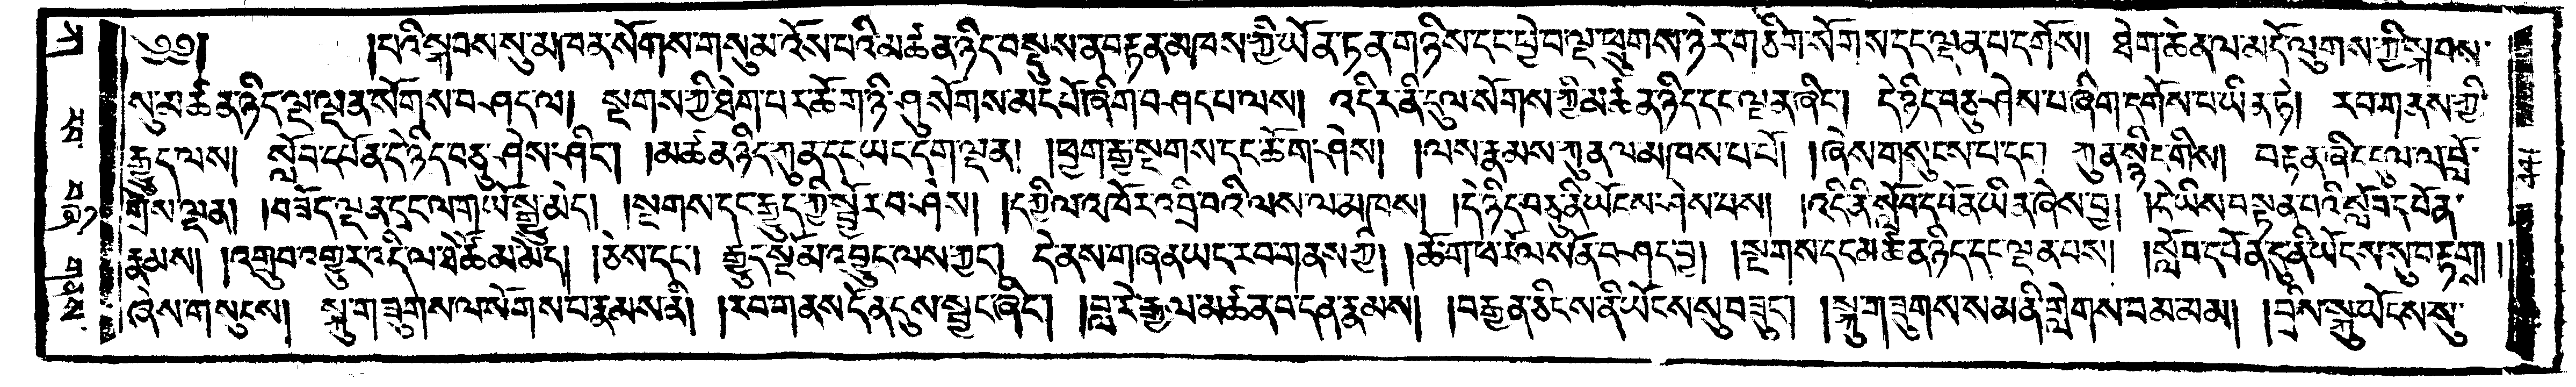༄༅། །པའི་སྐབས་སུ་མཁན་སོགས་གསུམ་འོས་པའི་མཚན་ཉིད་བསྡུས་ན་བརྟན་མཁས་ཀྱི་ཡོན་ཏན་གཉིས་དང་ཕྱེ་བ་ལྔ་ཕྲུགས་ཉེར་གཅིག་སོགས་དང་ལྡན་པ་དགོས། ཐེག་ཆེན་ལ་མདོ་ལུགས་ཀྱི་སྐབས་
སུ་མཚན་ཉིད་ལྔ་ལྡན་སོགས་བཤད་ལ། སྔགས་ཀྱི་ཐེག་པར་ཆོ་གཉི་ཤུ་སོགས་མང་པོ་ཞིག་བཤད་པ་ལས། འདིར་ནི་དུལ་སོགས་ཀྱི་མཚན་ཉིད་དང་ལྡན་ཞིང་། དེ་ཉིད་བཅུ་ཞེས་པ་ཞིག་དགོས་པ་ཡིན་ཏེ། རབ་གནས་ཀྱི་
རྒྱུད་ལས། སློབ་དཔོན་དེ་ཉིད་བཅུ་ཤེས་ཤིང་། །མཚན་ཉིད་ཀུན་དང་ཡང་དག་ལྡན། །ཕྱག་རྒྱ་སྔགས་དང་ཆོ་ག་ཤེས། །ལས་རྣམས་ཀུན་ལ་མཁས་པ་པོ། །ཞེས་གསུངས་པ་དང་། ཀུན་སྙིང་གིས། བརྟན་ཞིང་དུལ་ལ་བློ་
གྲོས་ལྡན། །བཟོད་ལྡན་དྲང་ལ་གཡོ་སྒྱུ་མེད། །སྔགས་དང་རྒྱུད་ཀྱི་སྦྱོར་བ་ཤེས། །དཀྱིལ་འཁོར་འབྲི་བའི་ལས་ལ་མཁས། །དེ་ཉིད་བཅུ་ནི་ཡོངས་ཤེས་པས། །འདི་ནི་སློབ་དཔོན་ཡིན་ཞེས་བྱ། །དེ་ཡིས་བསྟན་པའི་སློབ་དཔོན་
རྣམས། །འགྲུབ་འགྱུར་འདི་ལ་ཐེ་ཚོམ་མེད། །ཅེས་དང་། རྒྱུད་སྡོམ་འབྱུང་ལས་ཀྱང་། དེ་ནས་གཞན་ཡང་རབ་གནས་ཀྱི། །ཆོ་ག་ཕ་རོལ་སོན་བཤད་བྱ། །སྔགས་དང་མཆིན་ཉིད་དང་ལྡན་པས། །སློབ་དཔོན་དུ་ནི་ཡོངས་སུ་བརྟགས་།
ཞེས་གསུངས། སྐུ་གཟུགས་ལ་སོགས་པ་རྣམས་ནི། རབ་གནས་དོན་དུས་སྦྱང་ཞིང་། །བླ་རེ་རྒྱལ་མཚན་བ་དན་རྣམས། །བརྒྱན་ཅིང་ས་ནི་ཡོངས་སུ་བཟུང་། །སྐུ་གཟུགས་མ་ནི་གླེགས་བམ་མམ། །བྲིས་སྐུ་ཡོངས་སུ་